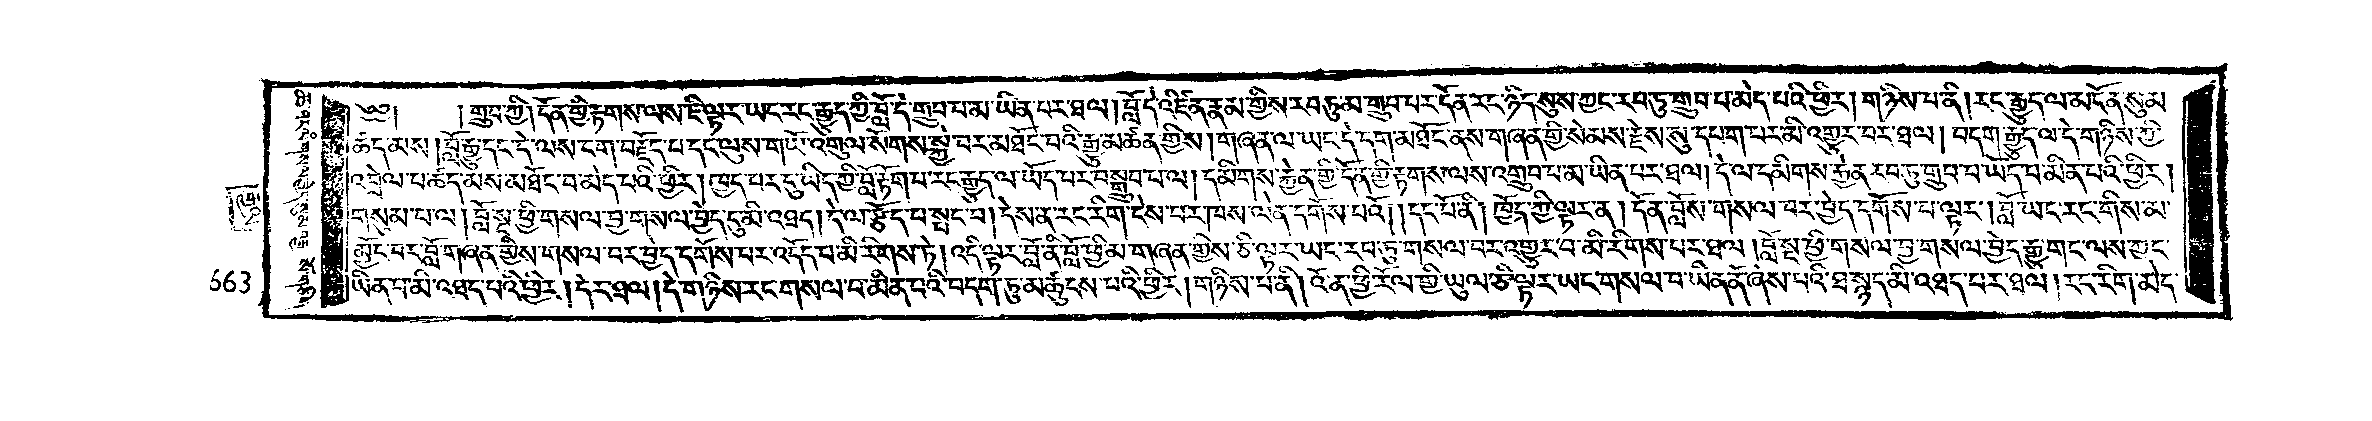༄༅། །གྲུབ་ཀྱི། དོན་གྱི་རྟགས་ལས་ཇི་ལྟར་ཡང་རང་རྒྱུད་ཀྱི་བློ་དེ་གྲུབ་པ་མ་ཡིན་པར་ཐལ། བློ་དེ་འཛིན་རྣམ་གྱིས་རབ་ཏུ་མ་གྲུབ་པར་དོན་རང་ཉིད་སུས་ཀྱང་རབ་ཏུ་གྲུབ་པ་མེད་པའི་ཕྱིར། གཉིས་པ་ནི། རང་རྒྱུད་ལ་མངོན་སུམ་
ཚད་མས། བློ་རྒྱུ་དང་དེ་ལས་ངག་བརྗོད་པ་དང་ལུས་གཡོ་འགུལ་སོགས་སྐྱེ་བར་མཐོང་བའི་རྒྱུ་མཚན་གྱིས། གཞན་ལ་ཡང་དེ་དག་མཐོང་ནས་གཞན་གྱི་སེམས་རྗེས་སུ་དཔག་པར་མི་འགྱུར་བར་ཐལ། བདག་རྒྱུད་ལ་དེ་གཉིས་ཀྱི་
འབྲེལ་པ་ཚད་མས་མཐོང་བ་མེད་པའི་ཕྱིར། ཁྱད་པར་དུ་ཡིད་ཀྱི་བློ་རྟོག་པ་རང་རྒྱུད་ལ་ཡོད་པར་བསྒྲུབ་པ་ལ། དམིགས་རྐྱེན་གྱི་དོན་གྱི་རྟགས་ལས་འགྲུབ་པ་མ་ཡིན་པར་ཐལ། དེ་ལ་དམིགས་རྐྱེན་རབ་ཏུ་གྲུབ་པ་ཡོད་པ་མིན་པའི་ཕྱིར།
གསུམ་པ་ལ། བློ་སྔ་ཕྱི་གསལ་བྱ་གསལ་བྱེད་དུ་མི་འཐད། དེ་ལ་རྩོད་པ་སྤོང་བ། དེས་ན་རང་རིག་ངེས་པར་ཁས་ལེན་དགོས་པའོ། །དང་པོ་ནི། ཁྱོད་ཀྱི་ལྟར་ན། དོན་བློས་གསལ་བར་བྱེད་དགོས་པ་ལྟར། བློ་ཡང་རང་གིས་མ་
མྱོང་བར་བློ་གཞན་གྱིས་གསལ་བར་བྱེད་དགོས་པར་འདོད་པ་མི་རིགས་ཏེ། འདི་ལྟར་བློ་ནི་བློ་ཕྱི་མ་གཞན་གྱིས་ཅི་ལྟར་ཡང་རབ་ཏུ་གསལ་བར་འགྱུར་བ་མི་རིགས་པར་ཐལ་།བློ་སྔ་ཕྱི་གསལ་བྱ་གསལ་བྱེད་རྒྱུ་གང་ལས་ཀྱང་
ཡིན་པ་མི་འཐད་པའི་ཕྱིར། དེར་ཐལ། དེ་གཉིས་རང་གསལ་བ་མིན་པའི་བདག་ཏུ་མཚུངས་པའི་ཕྱིར། གཉིས་པ་ནི། འོ་ན་ཕྱི་རོལ་གྱི་ཡུལ་ཅི་ལྟར་ཡང་གསལ་བ་ཡིན་ནོ་ཞེས་པའི་ཐ་སྙད་མི་འཐད་པར་ཐལ། རང་རིག་མེད་